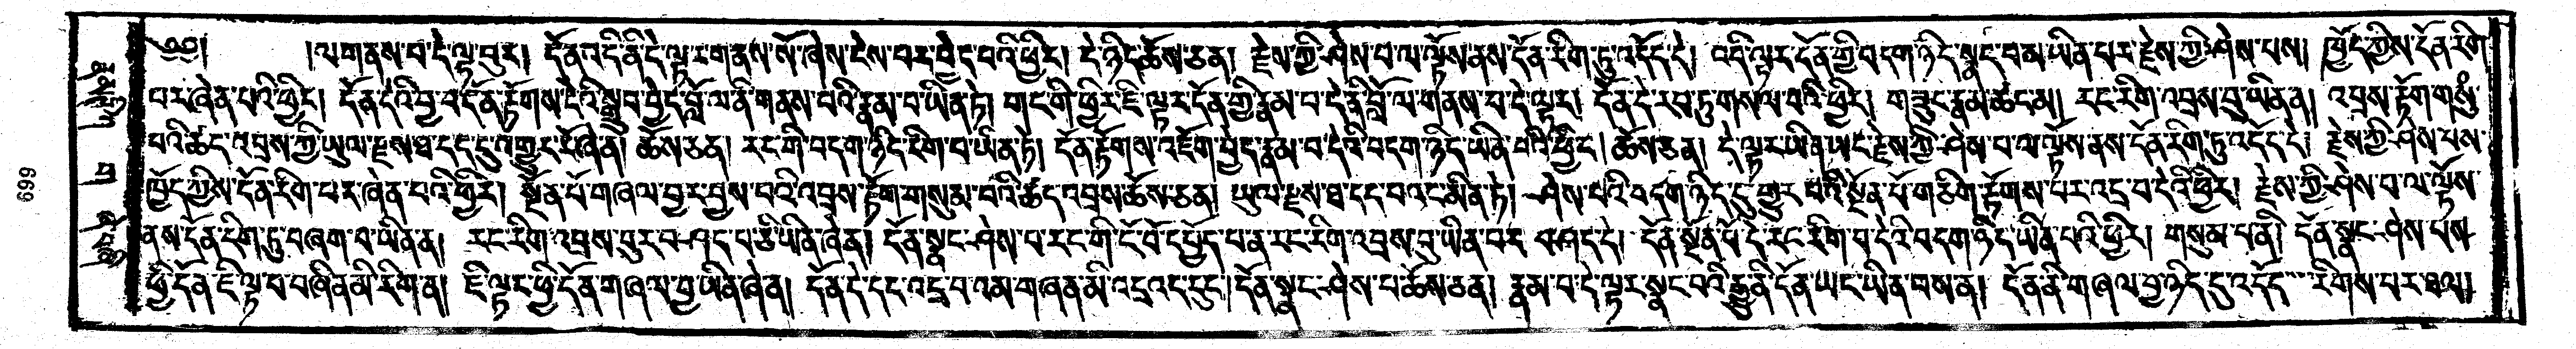༄༅། །ལ་གནས་བ་དེ་ལྟ་བུར། དོན་འདི་ནི་དེ་ལྟར་གནས་སོ་ཞེས་ངེས་པར་བྱེད་པའི་ཕྱིར། དེ་ཉིད་ཆོས་ཅན། རྗེས་ཀྱི་ཤེས་པ་ལ་ལྟོས་ནས་དོན་རིག་ཏུ་འདོད་དེ། འདི་ལྟར་དོན་གྱི་བདག་ཉིད་སྣང་བ་མ་ཡིན་པར་རྗེས་ཀྱི་ཤེས་པས། ཁྱོད་ཀྱིས་དོན་རིག་
བར་ཞེ་ན་པའི་ཕྱིར། དོན་དེའི་བྱ་བ་དོན་རྟོགས་དེའི་སྒྲུབ་བྱེད་བློ་ལ་ནི་གནས་པའི་རྣམ་པ་ཡིན་ཏེ། གང་གི་ཕྱིར་ཇི་ལྟར་དོན་གྱི་རྣམ་པ་དེ་ནི་བློ་ལ་གནས་པ་དེ་ལྟར། དོན་དེ་རབ་ཏུ་གསལ་བའི་ཕྱིར། གཟུང་རྣམ་ཚང་མ། རང་རིག་འབྲས་བུ་ཡིན་ན། འབྲས་རྟོག་གསུཾ་
པའི་ཚད་འབྲས་ཀྱི་ཡུལ་རྫས་ཐ་དད་དུ་འགྱུར་རོ་ཞེ་ན། ཆོས་ཅན། རང་གི་བདག་ཉིད་ངིག་བ་ཡིན་ཏེ། དོན་རྟོགས་འཇོག་བྱེད་རྣམ་བ་དེའི་བདག་ཉིད་ཡིན་པའི་ཕྱིར། ཆོས་ཅན། དེ་ལྟར་ཡིན་ཡང་རྗེས་ཀྱི་ཤེས་པ་ལ་ལྟོས་ནས་དོན་རིག་ཏུ་འདོད་དེ། རྗེས་ཀྱི་ཤེས་པས་
ཁྱོད་ཀྱིས་དོན་རིག་པར་ཞེན་པའི་ཕྱིར། སྔོན་པོ་གཞལ་བྱར་བྱས་པའི་འབྲས་རྟོག་གསུམ་པའི་ཚད་འབྲས་ཆོས་ཅན། ཡུལ་རྫས་ཐ་དད་པའང་མིན་ཏེ། ཤེས་པའི་བདག་ཉིད་དུ་གྱུར་པའི་སྔོན་པོ་གཅིག་རྟོགས་པར་འདྲ་བ་དེའི་ཕྱིར། རྗེས་ཀྱི་ཤེས་པ་ལ་ལྟོས་
ནས་དོན་དིག་ཏུ་བཞག་པ་ཡིན་ན། རང་རིག་འབྲས་བུར་བཤད་པ་ཅི་ཡིན་ཞེ་ན། དོན་སྣང་ཤེས་པ་རང་གི་ངོ་བོ་དཔྱོད་པ་ན་རང་རིག་འབྲས་བུ་ཡིན་པར་བཤད་དེ། དོན་སྔོན་པོ་དེ་རང་རིག་པ་དེའི་བདག་ཉིད་ཡིན་པའི་ཕྱིར། གསུམ་པ་ནི། དོན་སྣང་ཤེས་པས་
ཕྱི་དོན་ཇི་ལྟ་བ་བཞིན་མི་རིག་ན། ཇི་ལྟར་ཕྱི་དོན་གཞལ་བྱ་ཡིན་ཞེ་ན། དོན་དེ་དང་འདྲ་བ་འམ་གཞན་མི་འདྲའང་རུང་། དོན་སྣང་ཤེས་པ་ཆོས་ཅན། རྣམ་པ་དེ་ལྟར་སྣང་བའི་རྒྱུ་ནི་དོན་ཡང་ཡིན་པས་ན། དོན་ནི་གཞལ་བྱ་ཉིད་དུ་འདོད་རིགས་པར་ཐལ།